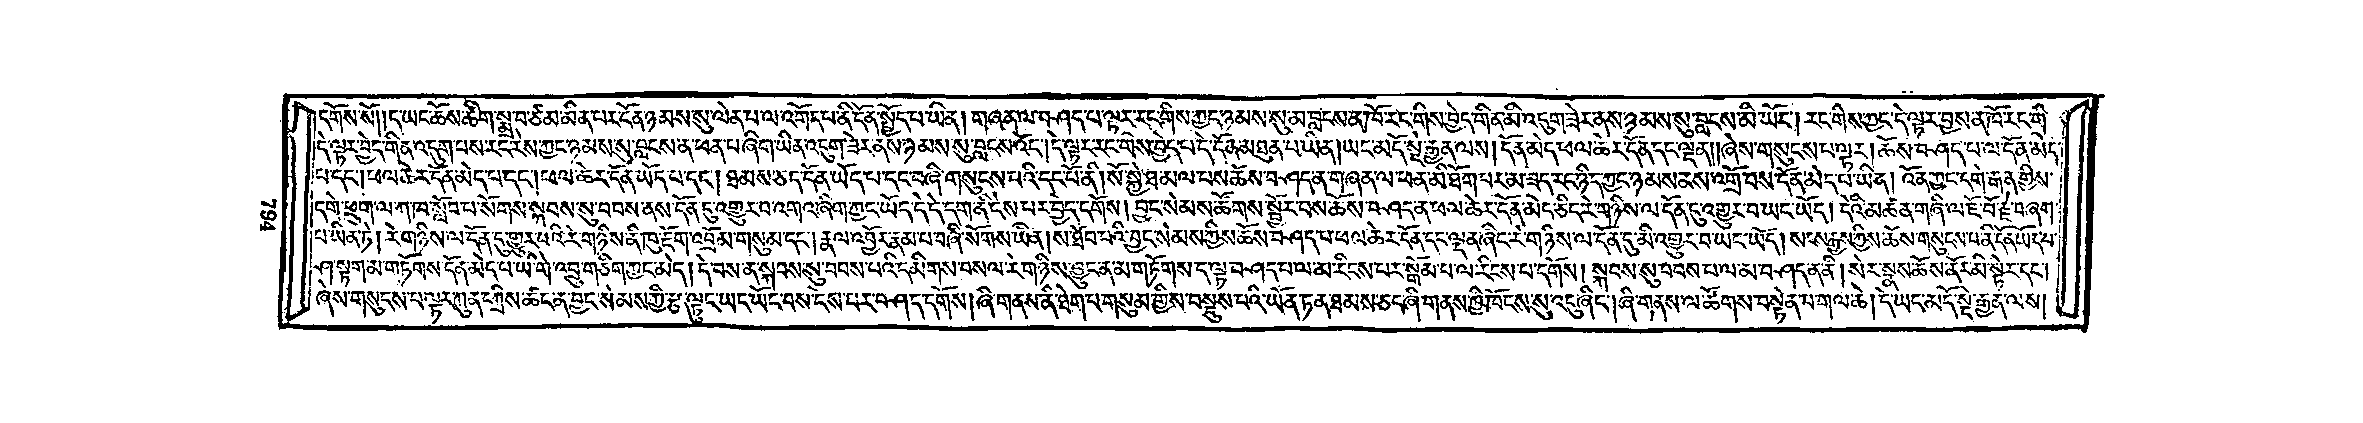དགོས་སོ། །ད་ཡང་ཆོས་ཚིག་སྨྲ་བ་ཙམ་མིན་པར་དོན་ཉམས་སུ་ལེན་པ་ལ་འགོད་པ་ནི་དོན་སྤྱོད་པ་ཡིན། གཞན་ལ་བཤད་པ་ལྟར་རང་གིས་ཀྱང་ཉམས་སུ་མ་བླངས་ན་ཁོ་རང་གིས་བྱེད་གིན་མི་འདུག་ཟེར་ནས་ཉམས་སུ་བླངས་མི་ཡོང་། རང་གིས་ཀྱང་དེ་ལྟར་བྱས་ན་ཁོ་རང་གི་
དེ་ལྟར་བྱེད་གིན་འདུག་པས་རང་རེས་ཀྱང་ཉམས་སུ་བླངས་ན་ཕན་པ་ཞིག་ཡིན་འདུག་ཟེར་ནས་ཉམས་སུ་བླངས་འོང་། དེ་ལྟར་རང་གིས་བྱེད་པ་དེ་དོན་མཐུན་པ་ཡིན། ཡང་མདོ་སྡེ་རྒྱན་ལས། དོན་མེད་ཕལ་ཆེར་དོན་དང་ལྡན། །ཞེས་གསུངས་པ་ལྟར། ཆོས་བཤད་པ་ལ་དོན་མེད་
པ་དང་། ཕལ་ཆེར་དོན་མེད་པ་དང་། ཕལ་ཆེར་དོན་ཡོད་པ་དང་། ཐམས་ཅད་དོན་ཡོད་པ་དང་བཞི་གསུངས་པའི་དང་པོ་ནི། སོ་སྐྱེ་ཐ་མལ་པས་ཆོས་བཤད་ན་གཞན་ལ་ཕན་མི་ཐོག་པར་མ་ཟད་རང་ཉིད་ཀྱང་ཉམས་ནས་འགྲོ་བས་དོན་མེད་པ་ཡིན། འོན་ཀྱང་དགེ་རྒན་གྱིས་
དགེ་ཕྲུག་ལ་ཀ་ཁ་སློབ་པ་སོགས་སྐབས་སུ་བབས་ནས་དོན་དུ་འགྱུར་བ་འགའ་ཞིག་ཀྱང་ཡོད་དེ་དེ་དག་ནི་ངེས་པར་བྱེད་དགོས། བྱང་སེམས་ཚོགས་སྦྱོར་བས་ཆོས་བཤད་ན་ཕལ་ཆེར་དོན་མེད་ཅིང་རེ་གཉིས་ལ་དོན་དུ་འགྱུར་བ་ཡང་ཡོད། དེའི་མཚན་གཞི་ལ་ཇོ་བོ་རྗེ་བཞག་
པ་ཡིན་ཏེ། རེ་གཉིས་ལ་དོན་དུ་གྱུར་པའི་རེ་གཉིས་ནི་ཁུ་རྡོག་འབྲོམ་གསུམ་དང་། རྣལ་འབྱོར་རྣམ་པ་བཞི་སོགས་ཡིན། ས་ཐོབ་པའི་བྱང་སེམས་ཀྱིས་ཆོས་བཤད་པ་ཕལ་ཆེར་དོན་དང་ལྡན་ཞིང་རེ་གཉིས་ལ་དོན་དུ་མི་འགྱུར་བ་ཡང་ཡོད། སངས་རྒྱས་ཀྱིས་ཆོས་གསུངས་པ་ནི་དོན་ཡོད་པ་
ཤ་སྟག་མ་གཏོགས་དོན་མེད་པ་ཡི་གེ་འབྲུ་གཅིག་ཀྱང་མེད། དེ་བས་ན་སྐབས་སུ་བབས་པའི་དམིགས་བསལ་རེ་གཉིས་བྱུང་ན་མ་གཏོགས་ད་ལྟ་བཤད་པ་ལ་མ་རིངས་པར་སྒོམ་པ་ལ་རིངས་པ་དགོས། སྐབས་སུ་བབས་པ་ལ་མ་བཤད་ན་ནི། སེར་སྣས་ཆོས་ནོར་མི་སྟེར་དང་།
ཞེས་གསུངས་པ་ལྟར་ཀུན་བཀྲིས་ཚང་ན་བྱང་སེམས་ཀྱི་རྩ་ལྟུང་ཡང་ཡོང་བས་ངེས་པར་བཤད་དགོས། ཞི་གནས་ནི་ཐེག་པ་གསུམ་གྱིས་བསྡུས་པའི་ཡོན་ཏན་ཐམས་ཅད་ཞི་གནས་ཀྱི་ཁོངས་སུ་འདུ་ཞིང་། ཞི་གནས་ལ་ཚོགས་བསྟེན་པ་གལ་ཆེ། དེ་ཡང་མདོ་སྡེ་རྒྱན་ལས།